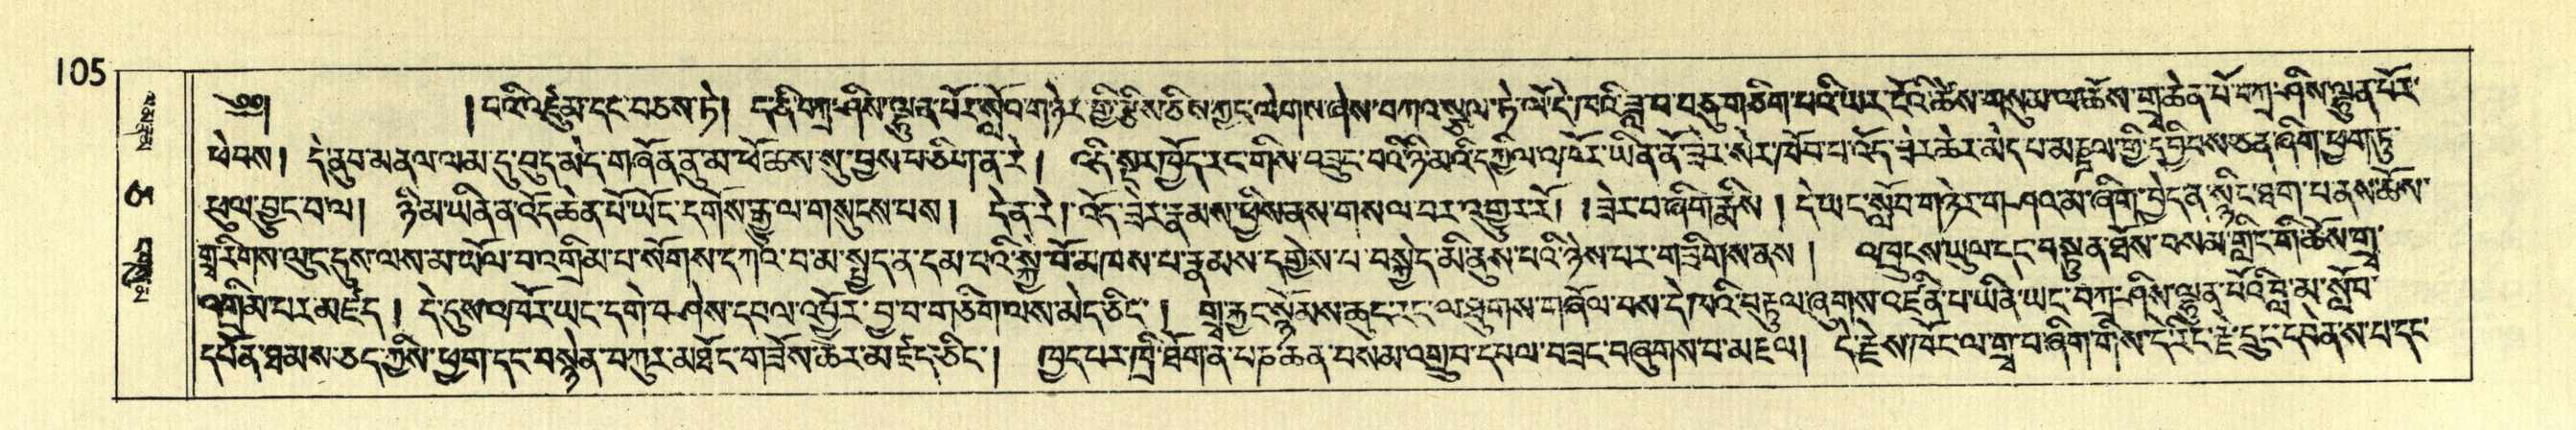༄༅། །བའི་འཛུམ་དང་བཅས་ཏེ། ད་ནི་བཀྲ་ཤིས་ལྷུན་པོར་སློབ་གཉེར་གྱི་རྩིས་ཅིས་ཀྱང་ལེགས་ཞེས་བཀའ་སྩལ་ཏེ་ལོ་དེ་ཁའི་ཟླ་བ་བཅུ་གཅིག་པའི་ཡར་ངོའི་ཚེས་གསུམ་ལ་ཆོས་གྲྭ་ཆེན་པོ་བཀྲ་ཤིས་ལྷུན་པོར་
ཕེབས། དེ་ནུབ་མནལ་ལམ་དུ་བུད་མེད་གཞོན་ནུ་མ་ཕོ་ཆས་སུ་བྱས་པ་ཅིག་ན་རེ། འདི་སྔར་ཁྱོད་རང་གིས་བཟུང་བའི་ཉི་མའི་དཀྱིལ་འཁོར་ཡིན་ནོ་ཟེར་སེར་ཁོབ་པ་འོད་ཟེར་ཆེར་མེད་པ་མཎྜལ་གྱི་དབྱིབས་ཅན་ཞིག་ཕྱག་ཏུ་
ཕུལ་བྱུང་བ་ལ། ཉི་མ་ཡིན་ན་འོད་ཆེན་པོ་ཡོང་དགོས་རྒྱུ་ལ་གསུངས་པས། དེ་ན་རེ། འོད་ཟེར་རྣམས་ཕྱིས་ནས་གསལ་བར་འགྱུར་རོ། །ཟེར་བ་ཞིག་རྨིས། དེ་ཡང་སློབ་གཉེར་གཤའ་མ་ཞིག་བྱེད་ན་སྙིང་ཐག་པ་ནས་ཆོས་
གྲྭ་རིགས་ལུང་དུས་ལམ་མ་ཡོལ་བ་འགྲིམ་པ་སོགས་དཀའ་བ་མ་སྤྱད་ན་དམ་པའི་སྐྱེ་བོ་མཁས་པ་རྣམས་དགྱེས་པ་བསྐྱེད་མི་ནུས་པའི་ཉེར་པར་གཟིགས་ནས། འཁྲུངས་ཡུལ་དང་བསྟུན་ཐོས་བསམ་གླིང་གི་ཆོས་གྲྭ་
འགྲིམ་པར་མཛད། དེ་དུས་འཁོར་ཡང་དགེ་བཤེས་དཔལ་འབྱོར་བྱ་བ་གཅིག་ལས་མེད་ཅིང་། གྲྭ་རྐྱང་སྙོམས་ཆུང་རང་ལ་ཐུགས་གཞོལ་པས་དེ་ཁའི་བརྟུལ་ཞུགས་འཛིན་པ་ཡིན་ཡང་བཀྲ་ཤིས་ལྷུན་པོའི་བླ་མ་སློབ་
དཔོན་ཐམས་ཅད་ཀྱིས་ཕྱག་དང་བསྙེན་བཀུར་མཐོང་གཟོས་ཆེར་མཛད་ཅིང་། ཁྱད་པར་ཁྲི་ཐོག་ན་པཎ་ཆན་བསམ་འགྲུབ་དཔལ་བཟང་བཞུགས་པ་མཇལ། དེ་རྗེས་ཁོང་ལ་གྲྭ་བ་ཞིག་གིས་དེ་རིང་རྗེ་དྲུང་དབེན་ས་པ་དང་